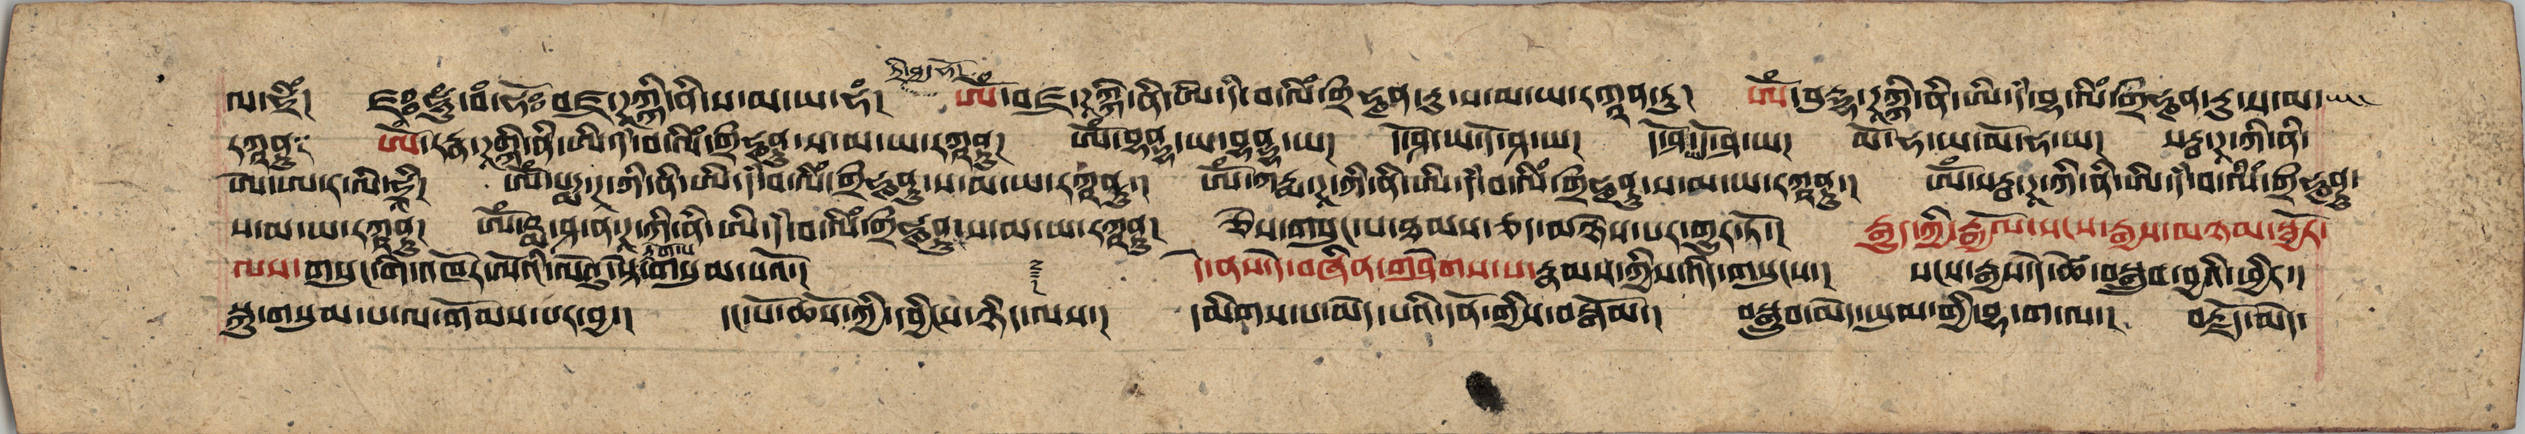ལ་ཧྲིཾ། ཛཿཧཱུཾ་བཾ་ཧོཿབཛྲ་ཌཱཀྐི་ནི་ས་མ་ཡ་ཧཾ། ཨོཾ་བཛྲ་ཌཱཀྐི་ནི་ཨི་དཾ་བ་ལིཾ་གྲྀ་ཧྑན་རུ་ས་མ་ཡ་རཀྙན་ཏུ། ཨོཾ་བུདྷ་ཌཱཀྐི་ནི་ཨི་དཾ་བྷ་ལིཾ་གྲྀ་ཧྑན་རུ་ས་མ་ཡ
རཀཱནྟུ༑ ཨོཾ་རཏྣ་ཌཀྐི་ནི་ཨི་དཾ་བ་ལིཾ་གྲྀ་ཧྞནྟུ་ས་མ་ཡ་རཀྵནྟུ། ཨོཾ་བྷནྡྷ་ཡ་བྷནྡྷ་ཡ། དོ་ཤ་ཡ་དོ་ཤ་ཡ། དོ་ཤ་ཡ་དོ་ཤ་ཡ། མོ་ཧ་ཡ་མོ་ཧ་ཡ། སརྦ་ཌ་ཀི་ནི་
ཨེ་ཨ་ར་ལི་ཧྲཱི། ཨོཾ་པདྨ་ཌཱ་ཀི་ནི་ཨེ་དཾ་བ་ལིཾ་གྲྀཧྞནྟུ་ས་མ་ཡ་རཀྵནྟུ་། ཨོཾ་ཀརྨ་ཌཱ་ཀི་ནི་ཨི་དཾ་བ་ལིཾ་གྲྀཧྞནྟུ་ས་མ་ཡ་རཀྵནྟུ། ཨོཾ་སརྦ་ཌཱ་ཀི་ནི་ཨི་དཾ་བ་ལིཾ་གྲྀཧྞནྟུ་
ས་མ་ཡ་རཀྵནྟུ། ཨོཾ་ཥྨ་ཤ་ན་ཌ་ཀི་ནི་ཨི་དཾ་བ་ལིཾ་གྲྀཧྞནྟུ་ས་མ་ཡ་རཀྵནྟུ། ཅེས་གསུངས་པ་ཐམས་ཅད་མཉེས་པར་གྱུར་ཏོ་། རྒྱུད་ཀྱི་རྒྱལོ་སངས་རྒྱས་མཉམ་སྦྱོར་
ལས་གསུང་གི་འཁོར་ལོའི་ལེའུ་སྟེ་གསུམ་པའོ་། ༈ དེ་ནས་དེ་བཞིན་གཤེགས་པ་རྣམས་ཀྱིས་འདི་གསུངས་། སངས་རྒྱས་དེ་ཚེ་བསྒྲུབ་བྱའི་ཕྱིར་།
སྐུ་གསུམ་ས་ལ་གོམས་པར་བྱ་། དང་པོ་ཆོས་ཀྱི་དབྱིངས་ཉིད་ལས་། དམིགས་པ་མེད་པའི་དོན་གྱིས་བསྒོམ་། བསྒྲུབ་མེད་ཡུལ་གྱི་བྷ་ག་ལ་། བརྗོད་མེད་